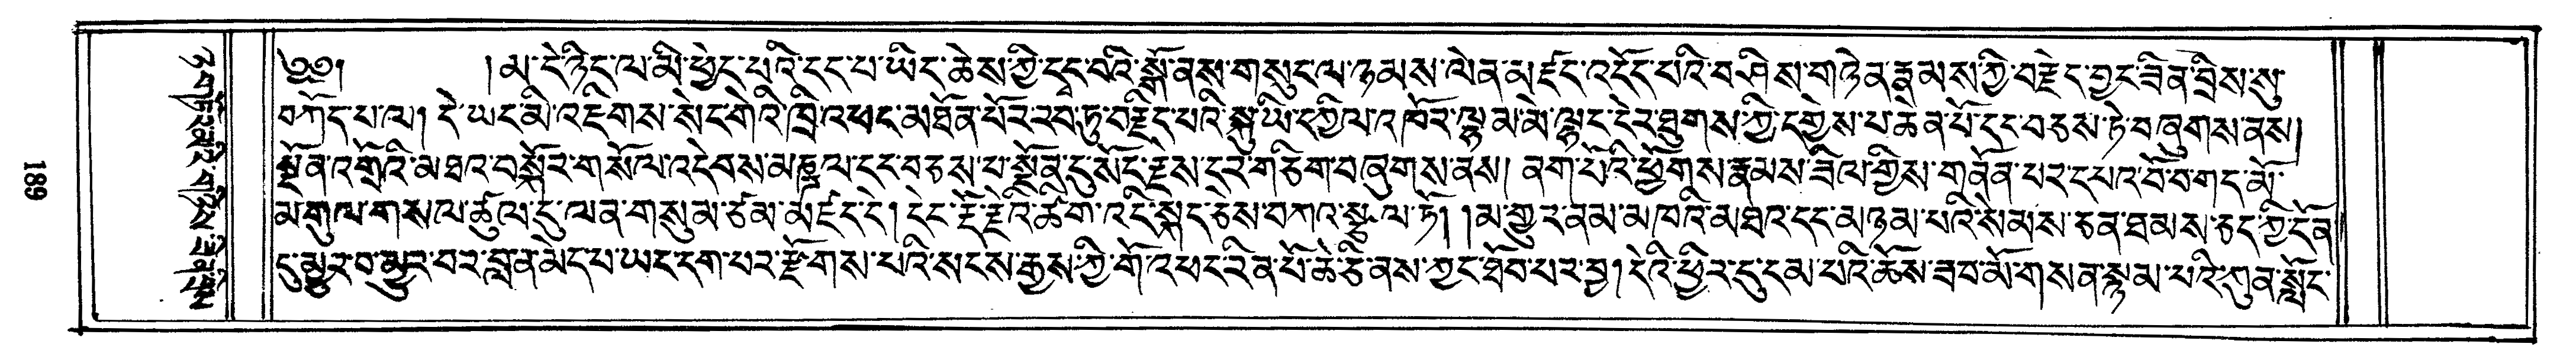༄༅། །མ་དེ་ཉིད་ལ་མི་ཕྱེད་པའི་དད་པ་ཡིད་ཆེས་ཀྱི་དྭང་བའི་སྒོ་ནས་གསུང་ལ་ཉམས་ལེན་མཛད་འདོད་པའི་བཤེས་གཉེན་རྣམས་ཀྱི་བརྗེད་བྱང་ཟིན་བྲིས་སུ་
བཀོད་པ་ལ། དེ་ཡང་མི་འཇིགས་སེང་གེའི་ཁྲི་འཕང་མཐོན་པོར་རབ་ཏུ་བརྗིད་པའི་སྐུ་ཡི་དཀྱིལ་འཁོར་ལྷམ་མེ་ལྷང་དེར་ཐུགས་ཀྱི་དགྱེས་པ་ཆེན་པོ་དང་བཅས་ཏེ་བཞུགས་ནས།
སྔོན་འགྲོའི་མཐའ་བསྐོར་གསོལ་འདེབས་མཎྜལ་དང་བཅས་པ་སྔོན་དུ་སོང་རྗེས་དར་གཅིག་བཞུགས་ནས། ནག་པོའི་ཕྱོགས་རྣམས་ཟིལ་གྱིས་གནོན་པར་དཔའ་བོ་བགད་མོ་
མགུལ་གསལ་ཚུལ་དུ་ལན་གསུམ་ཙམ་མཛད་དེ། དེང་རྡོ་རྗེའི་ཚིག་འདི་སྐད་ཅེས་བཀའ་སྩལ་ཏོ། །མ་གྱུར་ནམ་མཁའི་མཐའ་དང་མཉམ་པའི་སེམས་ཅན་ཐམས་ཅད་ཀྱི་དོན་
དུ་མྱུར་བ་མྱུར་བར་བླན་མེད་པ་ཡང་དག་པར་རྫོགས་པའི་སངས་རྒྱས་ཀྱི་གོ་འཕང་རིན་པོ་ཆེ་ཅི་ནས་ཀྱང་ཐོབ་པར་བྱ། དེའི་ཕྱིར་དུ་དམ་པའི་ཆོས་ཟབ་མོ་གསན་སྙམ་པའི་ཀུན་སློང་